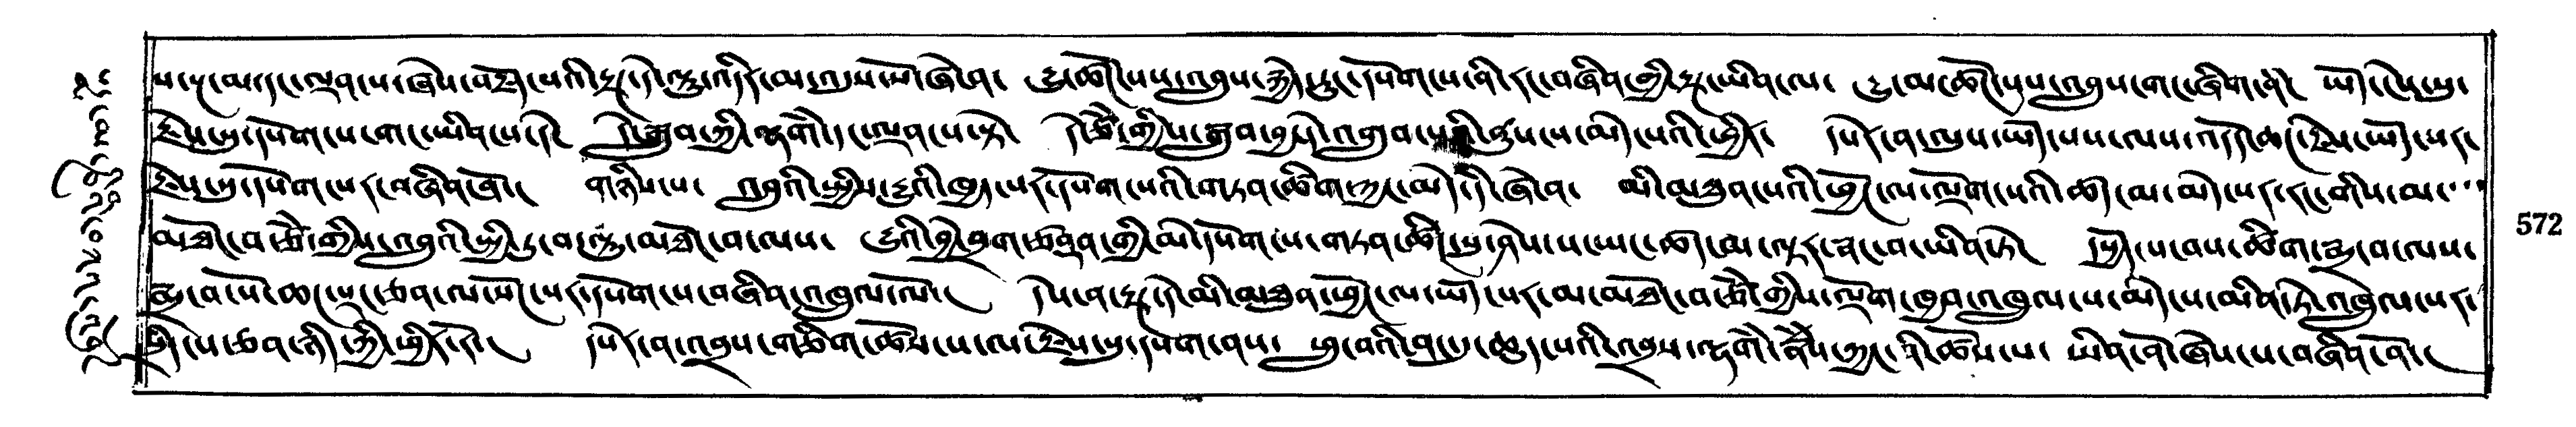པ་སྔ་མ་དང་ལྡན་པ་ཞེས་བརྗོད་པའི་རྟགས་དེ་ལྟ་བུ་འདིར་མ་འདུས་སོ་ཞེ་ན། རྒྱུ་ཚོགས་པས་འབྲས་བུ་སྐྱེད་རུང་དཔོག་པ་ནི་རང་བཞིན་གྱི་རྟགས་ཡིན་ལ། རྒྱུ་མ་ཚོགས་པས་འབྲས་བུ་གང་ཞིག་ནི། ཡོད་ངེས་སུ་
རྗེས་སུ་དཔོག་པ་གང་ཡིན་པ་དེ།དེ་སྒྲུབ་ཀྱི་ལྷག་མ་དང་ལྡན་པ་སྟེ། དེ་ཙམ་གྱིས་སྒྲུབ་བྱ་དེ་འགྲུབ་པའི་ནུས་པ་མེད་པའི་ཕྱིར། དཔེར་ན་ལུས་ཡོད་པ་ལས་འདོད་ཆགས་ཡོད་པར་
རྗེས་སུ་དཔོག་པར་བཞིན་ནོ།། གཉིས་པ། འབྲས་བུའི་སྤྱིས་རྒྱུའི་ཁྱད་པར་དཔོག་པའི་གཏན་ཚིགས་ཀྱང་མེད་དམ་ཞེ་ན། མི་མཐུན་པའི་ཕྱོགས་ལ་ལྡོག་པའི་ཚད་མ་མེད་པར་རང་གིས་མ་
མཐོང་བ་ཙམ་གྱིས་འབྲས་བུའི་སྤྱི་དུ་བ་ལྟ་བུ་མཐོང་བ་ལས། རྒྱུའི་བྱེ་བྲག་ཙན་དན་གྱི་མེ་དཔོག་པ་གཏན་ཚིགས་སུ་ཤེས་པ་ཡང་ཚད་མ་ལྟར་སྣང་བ་ཡིན་ཏེ། དཔྱོད་པ་བས་ཚིག་སྨྲ་བ་ལས་
སྨྲ་བ་པོ་ཆགས་སྡང་ཅན་ལ་སོགས་པར་དཔོག་པ་བཞིན་འཁྲུལ་ལོ།། དེས་ན་རྟགས་དེ་མི་མཐུན་ཕྱོགས་ལ་ཡོད་པར་མ་མཐོང་བ་ཙམ་གྱིས་ལྡོག་ཁྱབ་འཁྲུལ་པ་མེད་པ་མིན་ཏེ་འཁྲུལ་པར་
སྲིད་པ་ཅན་ཉིད་ཀྱི་ཕྱིར་རོ།། དཔེར་ན་འབྲས་གཅིག་ཚོས་པ་ལ་རྗེས་སུ་དཔག་ནས། ཕྲུ་བའི་ནང་དུ་ཆུད་པའི་འབྲས་ལྷག་མ་རྣམས་ཀྱང་ནི་ཚོས་པ་ཡིན་ནོ་ཞེས་པ་བཞིན་ནོ།།